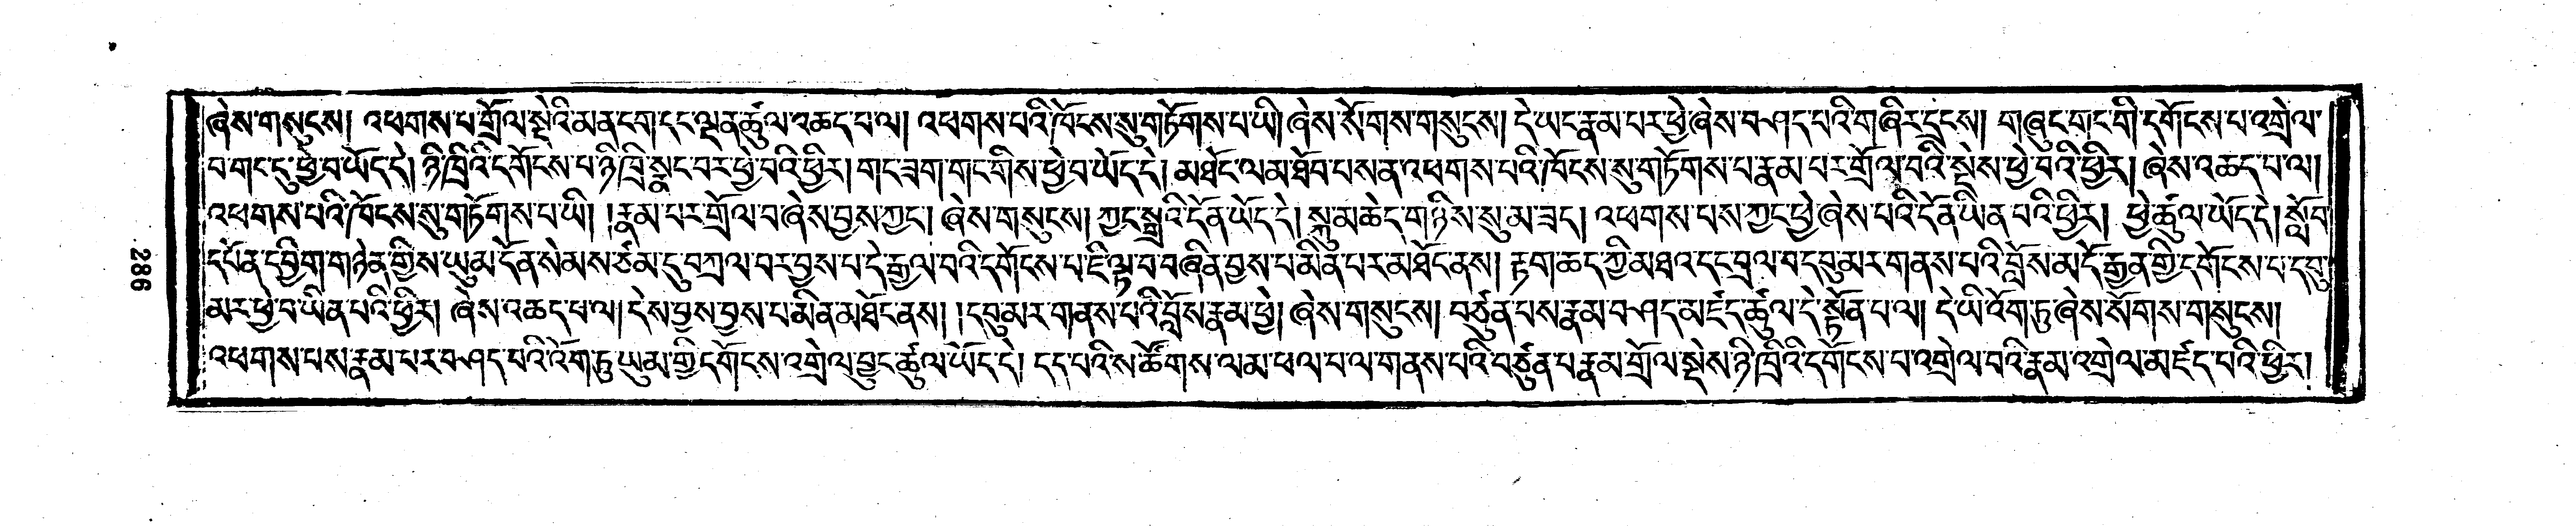ཞེས་གསུངས། འཕགས་པ་གྲོལ་སྡེའི་མན་ངག་དང་ལྡན་ཚུལ་འཆད་པ་ལ། འཕགས་པའི་ཁོངས་སུ་གཏོགས་པ་ཡི། ཞེས་སོགས་གསུངས། དེ་ཡང་རྣམ་པར་ཕྱེ་ཞེས་བཤད་པའི་གཞིར་དྲངས། གཞུང་གང་གི་དགོངས་པ་འགྲེལ་
བ་གང་དུ་ཕྱེ་བ་ཡོད་དེ། ཉི་ཁྲིའི་དགོངས་པ་ཉི་ཁྲི་སྣང་བར་ཕྱེ་བའི་ཕྱིར། གང་ཟག་གང་གིས་ཕྱེ་བ་ཡོད་དེ། མཐོང་ལམ་ཐོབ་པས་ན་འཕགས་པའི་ཁོངས་སུ་གཏོགས་པ་རྣམ་པར་གྲོལ་བའི་སྡེས་ཕྱེ་བའི་ཕྱིར། ཞེས་འཆད་པ་ལ།
འཕགས་པའི་ཁོངས་སུ་གཏོགས་པ་ཡི། །རྣམ་པར་གྲོལ་བ་ཞེས་བྱས་ཀྱང་། ཞེས་གསུངས། ཀྱང་སྒྲའི་དོན་ཡོད་དེ། སྐུ་མཆེད་གཉིས་སུ་མ་ཟད། འཕགས་པས་ཀྱང་ཕྱེ་ཞེས་པའི་དོན་ཡིན་པའི་ཕྱིར། ཕྱེ་ཚུལ་ཡོད་དེ། སློབ་
དཔོན་དབྱིག་གཉེན་གྱིས་ཡུམ་དོན་སེམས་ཙམ་དུ་བཀྲལ་བར་བྱས་པ་དེ་རྒྱལ་བའི་དགོངས་པ་ཇི་ལྟ་བ་བཞིན་བྱས་པ་མིན་པར་མཐོང་ནས། རྟག་ཆད་ཀྱི་མཐའ་དང་བྲལ་བ་དབུ་མར་གནས་པའི་བློས་མདོ་རྒྱན་གྱི་དགོངས་པ་དབུ་
མར་ཕྱེ་བ་ཡིན་པའི་ཕྱིར། ཞེས་འཆད་པ་ལ། དེས་བྱས་བྱས་པ་མིན་མཐོང་ནས། །དབུ་མར་གནས་པའི་བློས་རྣམ་ཕྱེ། ཞེས་གསུངས། བཙུན་པས་རྣམ་བཤད་མཛད་ཚུལ་དེ་སྟོན་པ་ལ། དེ་ཡི་འོག་ཏུ་ཞེས་སོགས་གསུངས།
འཕགས་པས་རྣམ་པར་བཤད་པའི་འོག་ཏུ་ཡུམ་གྱི་དགོངས་འགྲེལ་བྱུང་ཚུལ་ཡོད་དེ། དད་པའི་ས་ཚོགས་ལམ་ཕལ་པ་ལ་གནས་པའི་བཙུན་པ་རྣམ་གྲོལ་སྡེས་ཉི་ཁྲིའི་དགོངས་པ་འགྲེལ་བའི་རྣམ་འགྲེལ་མཛད་པའི་ཕྱིར།